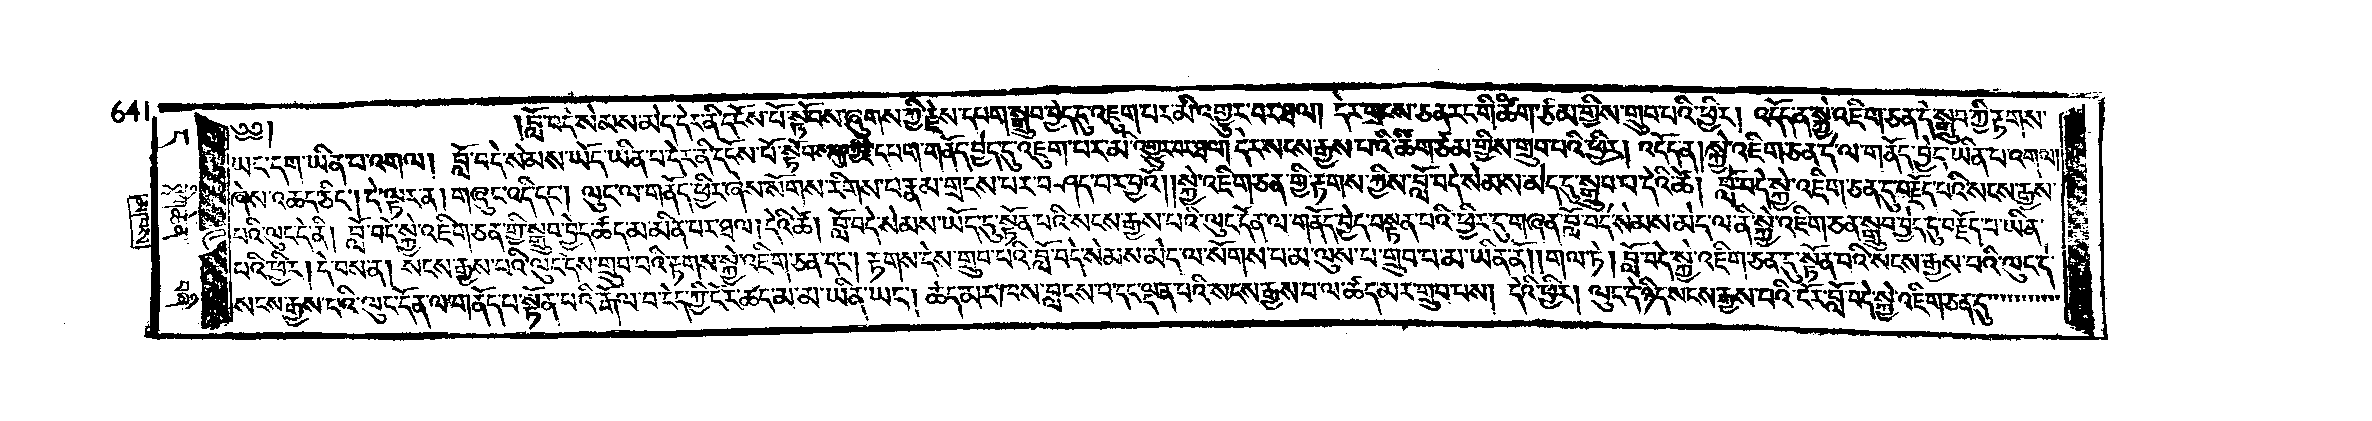༄༅། །བློ་བདེ་སེམས་མེད་དེར་ནི་དངོས་པོ་སྟོབས་ཞུགས་ཀྱི་རྗེས་དཔག་སྒྲུབ་བྱེད་དུ་འཇུག་པར་མི་འགྱུར་བར་ཐལ། དེར་གྲངས་ཅན་རང་གི་ཚིག་ཙམ་གྱིས་གྲུབ་པའི་ཕྱིར། འདོད་ན་སྐྱེ་འཇིག་ཅན་དེ་སྒྲུབ་ཀྱི་རྟགས་
ཡང་དག་ཡིན་པ་འགལ། བློ་བདེ་སེམས་ཡོད་ཡིན་པ་དེར་ནི་དངོས་པོ་སྟོབས་ཞུགས་ཀྱི་རྗེས་དཔག་གནོད་བྱེད་དུ་འཇུག་པར་མི་འགྱུར་བར་ཐལ། དེར་སངས་རྒྱས་པའི་ཚིག་ཙམ་གྱིས་གྲུབ་པའི་ཕྱིར། འདོད་ན། སྐྱེ་འཇིག་ཅན་དེ་ལ་གནོད་བྱེད་ཡིན་པ་འགལ།
ཞེས་འཆད་ཅིང་། དེ་ལྟར་ན། གཞུང་འདི་དང་། ལུང་ལ་གནོད་ཕྱིར་ཞེས་སོགས་རིགས་པ་རྣམ་གྲངས་པར་བཤད་པར་བྱའོ། །སྐྱེ་འཇིག་ཅན་གྱི་རྟགས་ཀྱིས་བློ་བདེ་སེམས་མེད་དུ་སྒྲུབ་པ་དེའི་ཚེ། བློ་བདེ་སྐྱེ་འཇིག་ཅན་དུ་བརྗོད་པའི་སངས་རྒྱས་
པའི་ལུང་དེ་ནི། བློ་བདེ་སྐྱེ་འཇིག་ཅན་གྱི་སྒྲུབ་བྱེད་ཚད་མ་མིན་པར་ཐལ། དེའི་ཚེ། བློ་བདེ་སེམས་ཡོད་དུ་སྟོན་པའི་སངས་རྒྱས་པའི་ལུང་དོན་ལ་གནོད་བྱེད་བསྟན་པའི་ཕྱིར་དུ་གཞན་བློ་བདེ་སེམས་མེད་ལ་ནི་སྐྱེ་འཇིག་ཅན་སྒྲུབ་བྱེད་དུ་བརྗོད་པ་ཡིན་
པའི་ཕྱིར། དེ་བས་ན། སངས་རྒྱས་པའི་ལུང་དེས་གྲུབ་པའི་རྟགས་སྐྱེ་འཇིག་ཅན་དང་། རྟགས་དེས་གྲུབ་པའི་བློ་བདེ་སེམས་མེད་ལ་སོགས་པ་མ་ལུས་པ་གྲུབ་པ་མ་ཡིན་ནོ། །གལ་ཏེ། བློ་བདེ་སྐྱེ་འཇིག་ཅན་དུ་སྟོན་པའི་སངས་རྒྱས་པའི་ལུང་དེ་
སངས་རྒྱས་པའི་ལུང་དོན་ལ་གནོད་པ་སྟོན་པའི་རྒོལ་བ་ངེད་ཀྱི་ངོར་ཚད་མ་མ་ཡིན་ཡང་། ཚད་མར་ཁས་བླངས་པ་དང་ལྡན་པའི་སངས་རྒྱས་པ་ལ་ཚད་མར་གྲུབ་པས། དེའི་ཕྱིར། ལུང་དེ་ཉིད་སངས་རྒྱས་པའི་ངོར་བློ་བདེ་སྐྱེ་འཇིག་ཅན་དུ་